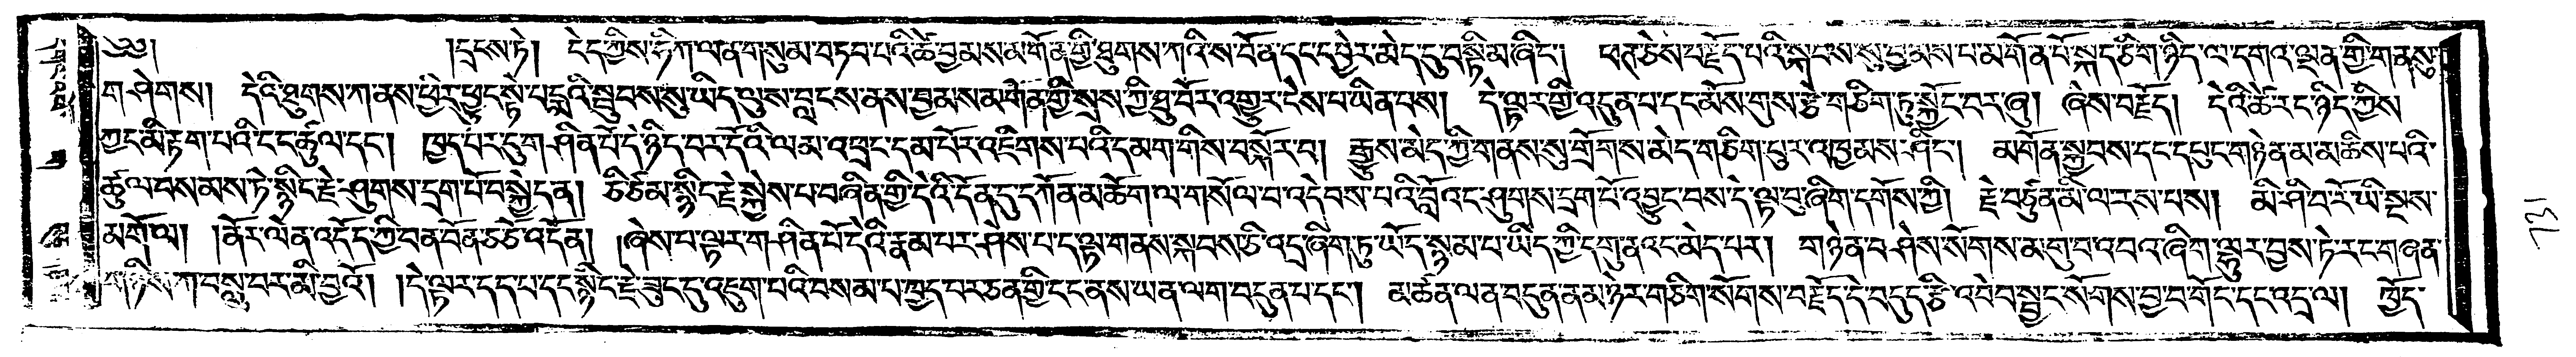༄༅། །དྲངས་ཏེ། ངེད་ཀྱིས་ཧིཀ་ལན་གསུམ་བཏབ་པའི་ཚེ་བྱམས་མགོན་གྱི་ཐུགས་ཀའི་ས་བོན་དང་དབྱེར་མེད་དུ་བསྟིམ་ཞིང་། ཕཊ་ཅེས་བརྗོད་པའི་སྐབས་སུ་བྱམས་པ་མགོན་པོ་སྐད་ཅིག་ཉིད་ལ་དགའ་ལྡན་གྱི་གནས་
གཤེགས། དེའི་ཐུགས་ཀ་ནས་ཕྱིར་ཕྱུང་སྟེ་པདམའི་སྦུབས་སུ་ཡིད་ལུས་བླངས་ནས་བྱམས་མགོན་གྱི་སྲས་ཀྱི་ཐུ་བོར་འགྱུར་ངེས་པ་ཡིན་པོས། དེ་ལྟར་གྱི་འདུན་པ་དང་མོས་གུས་རྩེ་གཅིག་ཏུ་སྐྱོང་བར་ཞུ། ཞེས་བརྗོད། དེའི་ཚེ་རང་ཉིད་ཀྱིས་
ཀྱང་མི་རྟག་པའི་ངང་ཚུལ་དང་། ཁྱད་པར་དུ་གཤིན་པོ་དེ་ཉིད་བར་དོའི་ལམ་འབྲང་དམ་པོར་འཇིགས་པའི་དམག་གིས་བསྐོར་བ། རྒྱུས་མེད་ཀྱི་གནས་སུ་གྲོགས་མེད་གཅིག་པུར་འཁྱམས་ཤིང་། མགོན་སྐྱབས་དང་དཔུང་གཉེན་མ་མཆིས་པའི་
ཚུལ་བསམས་ཏེ་སྙིང་རྗེ་ཤུགས་དྲག་པོ་བསྐྱེད་ན། ཅི་ཙམ་སྙིང་རྗེ་སྐྱེས་པ་བཞིན་གྱི་དེའི་དོན་དུ་དཀོན་མཆོག་ལ་གསོལ་བ་འདེབས་པའི་བློའང་ཤུགས་དྲག་པོ་འབྱུང་བས་དེ་ལྟ་བུ་ཞིག་དགོས་ཀྱི། རྗེ་བཙུན་མི་ལ་རས་པས། མི་ཤི་བ་རོ་ཡི་སྔས་
མགོ་ལ། །ནོར་ལེན་འདོད་ཀྱི་བན་བོན་ཅ་ཅོ་འདོན། །ཞེས་པ་ལྟར་གཤིན་པོ་དེའི་རྣམ་པར་ཤེས་པ་ད་ལྟ་གནས་སྐབས་ཅི་འདྲ་ཞིག་ཏུ་ཡིད་སྙམ་པ་ཡིད་ཀྱི་དགུ་ནའང་མེད་པར། གཉེན་བཤེས་སོགས་མགུ་བ་འབའ་ཞིག་ལྷུར་བྱས་ཏེ་རང་གཞན་
གཉིས་ཀ་བསླུ་བར་མི་བྱའོ། །དེ་ལྟར་དང་པ་དང་སྙིང་རྗེ་ཟུང་དུ་འཇུག་པའི་བསམ་པ་ཁྱད་པར་ཅན་གྱི་ངང་ནས་ཡན་ལག་བདུན་པ་དང་། མཚན་ལན་བདུན་ན་མཉེར་གཅིག་སོགས་བརྗོད་དེ་བདུད་རྩི་འབེབ་སྦྱང་སོགས་བྱ་བ་གོང་དང་འདྲ་ལ། ཁྱོད་